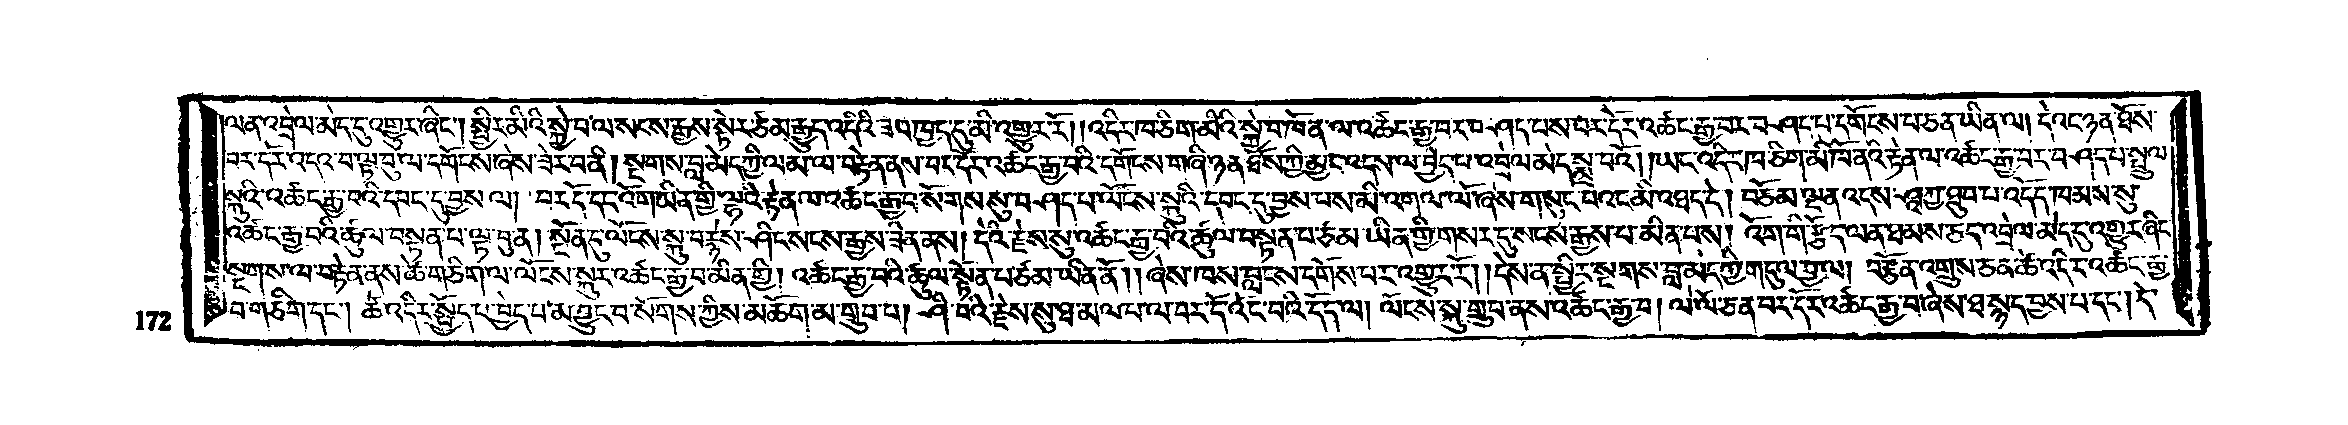ལན་འབྲེལ་མེད་དུ་འགྱུར་ཞིང་། སྤྱིར་མིའི་སྐྱེ་བ་ལ་སངས་རྒྱས་སྟེར་ཙམ་རྒྱུད་འདིའི་ཟབ་ཁྱད་དུ་མི་འགྱུར་རོ། །འདིར་ཁ་ཅིག་མིའི་སྐྱེ་བ་ཁོ་ན་ལ་འཚང་རྒྱ་བར་བཤད་པས་བར་དོར་འཚང་རྒྱ་བར་བཤད་པ་དགོངས་པ་ཅན་ཡིན་ལ། དེའང་ཉན་ཐོས་
བར་དོར་འདའ་བ་ལྟ་བུ་ལ་དགོངས་ཞེས་ཟེར་བ་ནི། སྔགས་བླ་མེད་ཀྱི་ལམ་ལ་བརྟེན་ནས་བར་དོར་འཚང་རྒྱ་བའི་དགོངས་གཞི་ཉན་ཐོས་ཀྱི་མྱང་འདས་ལ་བྱེད་པ་འབྲེལ་མེད་སྨྲ་བའོ། །ཡང་འདིར་ཁ་ཅིག་མི་ཁོ་ནའི་རྟེན་ལ་འཚང་རྒྱ་བར་བཤད་པ་སྤྲུལ་
སྐུའི་འཚང་རྒྱ་བའི་དབང་དུ་བྱས་ལ། བར་དོ་དང་འོག་མིན་གྱི་ལྷའི་རྟེན་ལ་འཚང་རྒྱ་བ་སོགས་སུ་བཤད་པ་ལོངས་སྐུའི་དབང་དུ་བྱས་པས་མི་འགལ་ལོ་ཞེས་གསུང་པའང་མི་འཐད་དེ། བཅོམ་ལྡན་འདས་ཤཱཀྱ་ཐུབ་པ་འདོད་ཁམས་སུ་
འཚང་རྒྱ་བའི་ཚུལ་བསྟན་པ་ལྟ་བུ་ནི། སྔོན་དུ་ལོངས་སྐུ་བརྙེས་ཤིང་སངས་རྒྱས་ཟིན་ནས། དེའི་རྗེས་སུ་འཚང་རྒྱ་བའི་ཚུལ་བསྟན་པ་ཙམ་ཡིན་གྱི་གསར་དུ་སངས་རྒྱས་པ་མིན་པས། འོག་གི་རྩོད་ལན་ཐམས་ཅད་འབྲེལ་མེད་དུ་འགྱུར་ཞིང་
སྔགས་ལ་བརྟེན་ནས་ཚེ་གཅིག་ལ་ལོངས་སྐུར་འཚང་རྒྱ་བ་མིན་གྱི། འཚང་རྒྱ་བའི་ཚུལ་སྟོན་པ་ཙམ་ཡིན་ནོ། །ཞེས་ཁས་བླངས་དགོས་པར་འགྱུར་རོ། །དེས་ན་སྤྱིར་སྔགས་བླ་མེད་ཀྱི་གདུལ་བྱ་ལ། བརྩོན་འགྲུས་ཅན་ཚེ་འདིར་འཚང་རྒྱ་
བ་གཅིག་དང་། ཚེ་འདིར་སྤྱོད་པ་བྱེད་པ་མ་བྱུང་བ་སོགས་ཀྱིས་མཆོག་མ་གྲུབ་པ། ཤི་བའི་རྗེས་སུ་ཐ་མལ་པ་ལ་བར་དོ་འོང་བའི་དོད་ལ། ལོངས་སྐུ་གྲུབ་ནས་འཚང་རྒྱ་བ། ལེ་ལོ་ཅན་བར་དོར་འཚང་རྒྱ་བ་ཞེས་ཐ་སྙད་བྱས་པ་དང་། དེ་